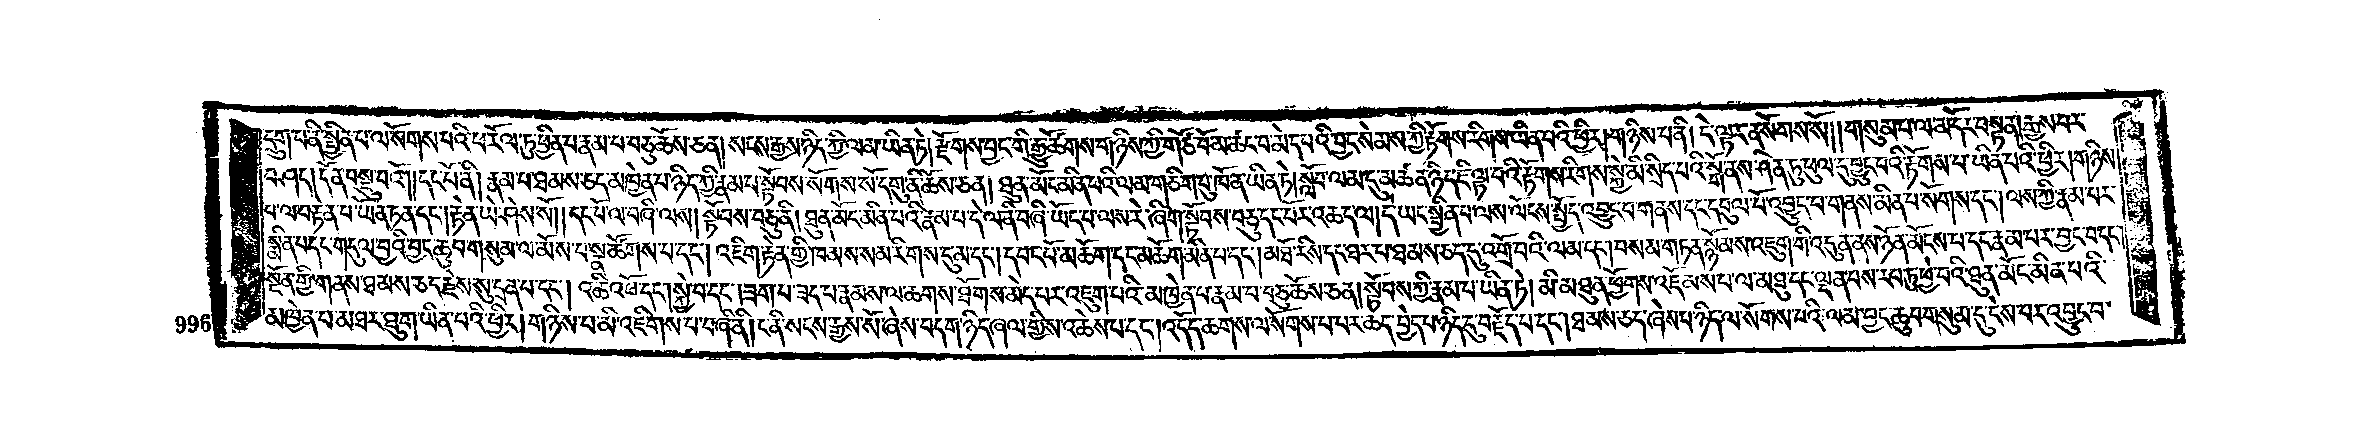དྲུག་པ་ནི་སྦྱིན་པ་ལ་སོགས་པའི་ཕ་རོལ་ཏུ་ཕྱིན་པ་རྣམ་པ་བཅུ་ཆོས་ཅན། སངས་རྒྱས་ཉིད་ཀྱི་ལམ་ཡིན་ཏེ། རྫོགས་བྱང་གི་རྒྱུ་ཚོགས་གཉིས་ཀྱི་གཙོ་བོ་མ་ཚང་བ་མེད་པའི་བྱང་སེམས་ཀྱི་རྟོགས་རིགས་ཡིན་པའི་ཕྱིར། གཉིས་པ་ནི། དེ་ལྟར་ན་སོགས་སོ། །གསུམ་པ་ལ་མདོར་བསྟན། རྒྱས་པར་
བཤད། དོན་བསྡུ་བའོ། །དང་པོ་ནི། རྣམ་པ་ཐམས་ཅད་མཁྱེན་པ་ཉིད་ཀྱི་རྣམ་པ་སྟོབས་སོགས་སོ་དགུ་ནི་ཆོས་ཅན། ཐུན་མོང་མིན་པའི་ལམ་གཅིག་བུ་ཁོ་ན་ཡིན་ཏེ། སློབ་ལམ་དུ་མཚན་ཉིད་ཇི་ལྟ་བའི་རྟོགས་རིགས་སྐྱེ་མི་སྲིད་པའི་སྒོ་ནས་ཤིན་ཏུ་ཕུལ་དུ་བྱུང་བའི་རྟོགས་པ་ཡིན་པའི་ཕྱིར། གཉིས་
པ་ལ་བརྟེན་པ་ཡོན་ཏན་དང་། རྟེན་ཡེ་ཤེས་སོ། །དང་པོ་ལ་བཞི་ལས། སྟོབས་བཅུ་ནི། ཐུན་མོང་མིན་པའི་རྣམ་པ་དེ་ལ་ནི་བཞི་ཡོད་པ་ལས་རེ་ཞིག་སྟོབས་བཅུ་དང་པོར་འཆད་ལ། དེ་ཡང་སྦྱིན་པ་ལས་ལོངས་སྤྱོད་འབྱུང་བ་གནས་དང་དབུལ་པོ་འབྱུང་བ་གནས་མིན་པ་སོགས་དང་། ལས་ཀྱི་རྣམ་པར་
སྨིན་པ་དང་གདུལ་བྱའི་བྱང་ཆུབ་གསུམ་ལ་མོས་པ་སྣ་ཚོགས་པ་དང་། འཇིག་རྟེན་གྱི་ཁམས་སམ་རིགས་དུ་མ་དང་། དབང་པོ་མཆོག་དང་མཆོག་མིན་པ་དང་། མཐོ་རིས་དང་ཐར་པ་ཐམས་ཅད་དུ་འགྲོ་བའི་ལམ་དང་། བསམ་གཏན་སྙོམས་འཇུག་གི་འདུན་ནས་ཉོན་མོངས་པ་དང་རྣམ་པར་བྱང་བ་དང་།
སྔོན་གྱི་གནས་ཐམས་ཅད་རྗེས་སུ་དྲན་པ་དང་། འཆི་འཕོ་དང་། སྐྱེ་བ་དང་། ཟག་པ་ཟད་པ་རྣམས་ལ་ཆགས་ཐོགས་མེད་པར་འཇུག་པའི་མཁྱེན་པ་རྣམ་པ་བཅུ་ཆོས་ཅན། སྟོབས་ཀྱི་རྣམ་པ་ཡིན་ཏེ། མི་མཐུན་ཕྱོགས་འཇོམས་པ་ལ་མཐུ་དང་ལྡན་པས་རབ་ཏུ་ཕྱེ་བའི་ཐུན་མོང་མིན་པའི་
མཁྱེན་པ་མཐར་ཐུག་ཡིན་པའི་ཕྱིར། གཉིས་པ་མི་འཇིགས་པ་བཞི་ནི། ང་ནི་སངས་རྒྱས་སོ་ཞེས་བདག་ཉིད་ཞལ་གྱིས་འཆེས་པ་དང་། འདོད་ཆགས་ལ་སོགས་པ་བར་ཆད་བྱེད་པ་ཉིད་དུ་བརྗོད་པ་དང་། ཐམས་ཅད་ཞེས་པ་ཉིད་ལ་སོགས་པའི་ལམ་བྱང་ཆུབ་གསུམ་དུ་ངེས་པར་འབྱུང་བ་